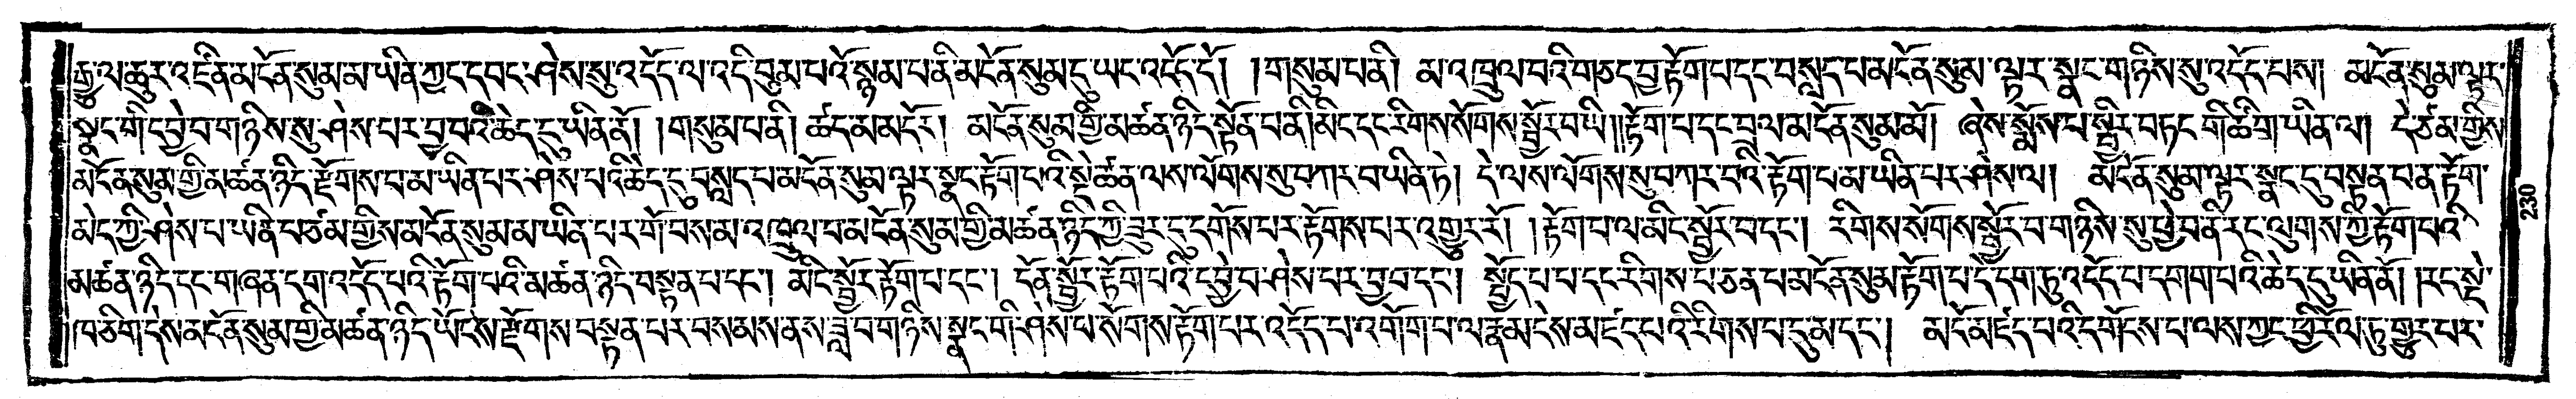རྒྱུ་ལ་ཆུར་འཛིན་མངོན་སུམ་མ་ཡིན་ཀྱང་དབང་ཤེས་སུ་འདོད་ལ་འདི་བུམ་པའོ་སྙམ་པ་ནི་མངོན་སུམ་དུ་ཡང་འདོད་དོ། །གསུམ་པ་ནི། མ་འཁྲུལ་བའི་གཅད་བྱ་རྟོག་པ་དང་བསླད་པ་མངོན་སུམ་ལྟར་སྣང་གཉིས་སུ་འདོད་པས། མངོན་སུམ་ལྟར་
སྣང་གི་དབྱེ་བ་གཉིས་སུ་ཤེས་པར་བྱ་བའི་ཆེད་དུ་ཡིན་ནོ། །གསུམ་པ་ནི། ཚད་མ་མདོར། མངོན་སུམ་གྱི་མཚན་ཉིད་སྟོན་པ་ནི། མིང་དང་རིགས་སོགས་སྦྱོར་བ་ཡི། །རྟོག་པ་དང་བྲལ་མངོན་སུམ་མོ། ཞེས་སྨོས་པ་སྤྱིར་བཏང་གི་ཚིག་ཡིན་ལ། དེ་ཙམ་གྱིས་
མངོན་སུམ་གྱི་མཚན་ཉིད་རྫོགས་པ་མ་ཡིན་པར་ཤེས་པའི་ཆེད་དུ་བསླད་པ་མངོན་སུམ་ལྟར་སྣང་རྟོག་པའི་སྡེ་ཚན་ལས་ལོགས་སུ་བཀར་བ་ཡིན་ཏེ། དེ་ལས་ལོགས་སུ་བཀར་བའི་རྟོག་པ་མ་ཡིན་པར་ཤེས་ལ། མངོན་སུམ་ལྟར་སྣང་དུ་བསྟན་པ་ན་རྟོག་
མེད་ཀྱི་ཤེས་པ་ཡིན་པ་ཙམ་གྱིས་མངོན་སུམ་མ་ཡིན་པར་གོ་བས་མ་འཁྲུལ་བ་མངོན་སུམ་གྱི་མཚན་ཉིད་ཀྱི་ཟུར་དུ་དགོས་པར་རྟོགས་པར་འགྱུར་རོ། །རྟོག་པ་ལ་མིང་སྦྱོར་བ་དང་། རིགས་སོགས་སྦྱོར་བ་གཉིས་སུ་ཕྱེ་བ་ནི་རང་ལུགས་ཀྱི་རྟོག་པའི་
མཚན་ཉིད་དང་གཞན་དག་འདོད་པའི་རྟོག་པའི་མཚན་ཉིད་བསྟན་པ་དང་། མིང་སྦྱོར་རྟོག་པ་དང་། དོན་སྦྱོར་རྟོག་པའི་དབྱེ་བ་ཤེས་པར་བྱ་བ་དང་། སྤྱོད་པ་པ་དང་རིགས་པ་ཅན་པ་མངོན་སུམ་རྟོག་པ་དེ་དག་ཏུ་འདོད་པ་དགག་པའི་ཆེད་དུ་ཡིན་ནོ། །རང་སྡེ་
ཁ་ཅིག་དེས་མངོན་སུམ་གྱི་མཚན་ཉིད་ཡོངས་རྫོགས་བསྟན་པར་བསམས་ནས་ཟླ་བ་གཉིས་སྣང་གི་ཤེས་པ་སོགས་རྟོག་པར་འདོད་པ་འགོག་པ་ལ་རྣམ་ངེས་མཛད་པའི་རིགས་པ་དུ་མ་དང་། མདོ་མཛད་པའི་དགོངས་པ་ལས་ཀྱང་ཕྱི་རོལ་ཏུ་གྱུར་པར་